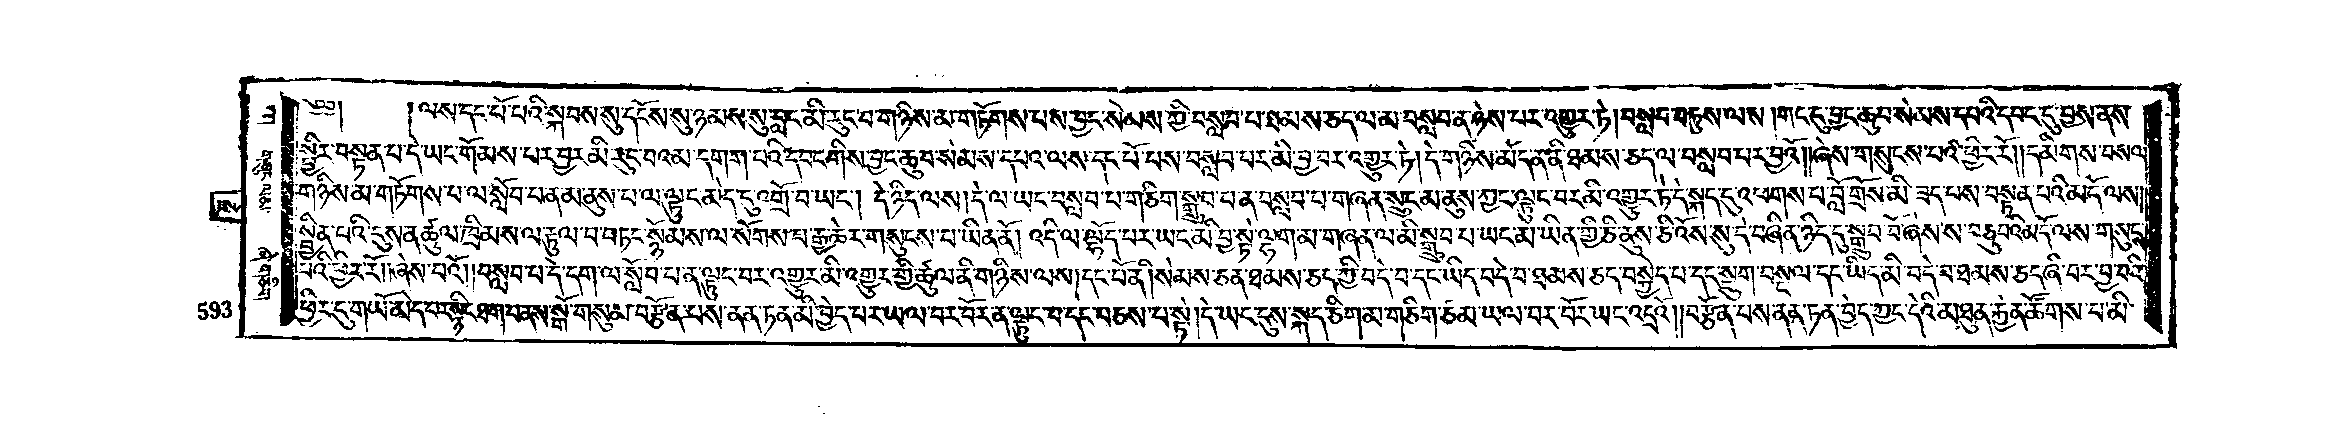༄༅། །ལས་དང་པོ་པའི་སྐབས་སུ་དངོས་སུ་ཉམས་སུ་བླང་མི་རུང་བ་གཉིས་མ་གཏོགས་པས་བྱང་སེམས་ཀྱི་བསླབ་པ་ཐམས་ཅད་ལ་མ་བསླབ་ན་ཉེས་པར་འགྱུར་ཏེ། བསླབ་བཏུས་ལས། གང་དུ་བྱང་ཆུབ་སེམས་དཔའི་དབང་དུ་བྱས་ནས་
སྤྱིར་བསྟན་པ་དེ་ཡང་གོམས་པར་བྱར་མི་རུང་བའམ་དགག་པའི་དབང་གིས་བྱང་ཆུབ་སེམས་དཔའ་ལས་དང་པོ་པས་བསླབ་པར་མི་བྱ་བར་འགྱུར་ཏེ། དེ་གཉིས་མོད་ན་ནི་ཐམས་ཅད་ལ་བསླབ་པར་བྱའོ། །ཞེས་གསུངས་པའི་ཕྱིར་རོ། །དམིགས་བསལ་
གཉིས་མ་གཏོགས་པ་ལ་སློབ་པ་ན་མ་ནུས་པ་ལ་ལྟུང་མེད་དུ་འགྲོ་བ་ཡང་། དེ་ཉིད་ལས། དེ་ལ་ཡང་བསླབ་པ་གཅིག་སྒྲུབ་པ་ན་བསླབ་པ་གཞན་སྲུང་མ་ནུས་ཀྱང་ལྟུང་བར་མི་འགྱུར་ཏེ་དེ་སྐད་དུ་འཕགས་པ་བློ་གྲོས་མི་ཟད་པས་བསྟན་པའི་མདོ་ལས།
སྦྱིན་པའི་དུས་ན་ཚུལ་ཁྲིམས་ལ་རྟུལ་བ་བཏང་སྙོམས་ལ་སོགས་པ་རྒྱ་ཆེར་གསུངས་པ་ཡིན་ནོ། འདི་ལ་ལྷོད་པར་ཡང་མི་བྱ་སྟེ་ལྷག་མ་གཞན་ལ་མི་སྒྲུབ་པ་ཡང་མ་ཡིན་གྱི་ཅི་ནུས་ཅི་འོས་སུ་དེ་བཞིན་ཉིད་དུ་སྒྲུབ་བོ་ཞེས་ས་བཅུ་པའི་མདོ་ལས་གསུངས་
པའི་ཕྱིར་རོ། །ཞེས་པའོ། །བསླབ་པ་དེ་དག་ལ་སློབ་པ་ན་ལྟུང་བར་འགྱུར་མི་འགྱུར་གྱི་ཚུལ་ནི་གཉིས་ལས། དང་པོ་ནི། སེམས་ཅན་ཐམས་ཅད་ཀྱི་བདེ་བ་དང་ཡིད་བདེ་བ་ཐམས་ཅད་བསྐྱེད་པ་དང་སྡུག་བསྔལ་དང་ཡིད་མི་བདེ་བ་ཐམས་ཅད་ཞི་བར་བྱ་བའི་
ཕྱིར་དུ་གཡོ་མེད་པར་སྙིང་ཐག་པ་ནས་སྒོ་གསུམ་བརྩོན་པས་ནན་ཏན་མི་བྱེད་པར་ཡལ་བར་བོར་ན་ལྟུང་བ་དང་བཅས་པ་སྟེ། དེ་ཡང་དུས་སྐད་ཅིག་མ་གཅིག་ཙམ་ཡལ་བར་བོར་ཡང་འདྲའོ། །བརྩོན་པས་ནན་ཏན་བྱེད་ཀྱང་དེའི་མཐུན་རྐྱེན་ཚོགས་པ་མི་